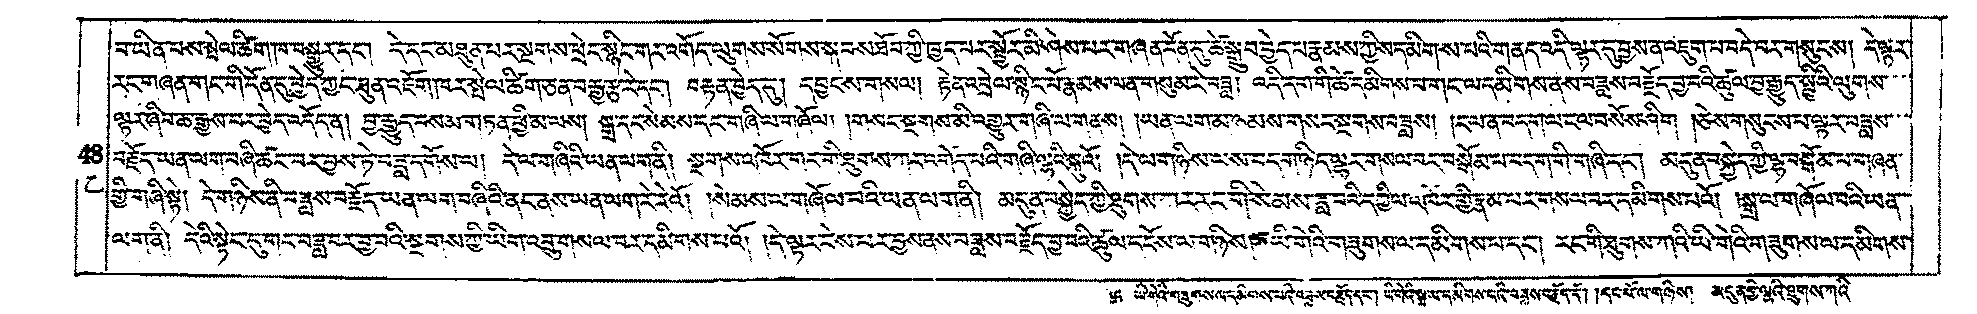བ་ཡིན་པས་སྤེལ་ཚིག་ཁ་བསྒྱུར་དང་། དེ་དང་མཐུན་པར་སྔགས་ཕྲེང་སྙིང་གར་འགོད་ལུགས་སོགས་སྐབས་ཐོབ་ཀྱི་ཁྱད་པར་སྦྱོར་མི་ཤེས་པར་གཞན་དོན་དུ་ཚེ་སྒྲུབ་བྱེད་པ་རྣམས་ཀྱིས་དམིགས་པའི་གནད་འདི་ལྟར་དུ་བྱས་ན་འཇུག་པ་བདེ་བར་གསུངས། དེ་ལྟར་
རང་གཞན་གང་གི་དོན་དུ་བྱེད་ཀྱང་ཐུན་འཇོག་ཁར་སྤེལ་ཚིག་ཅན་བརྒྱ་རྩ་རེ་དང་། བརྟན་བྱེད་དུ། དབྱངས་གསལ། རྟེན་འབྲེལ་སྙིང་པོ་རྣམས་ལན་གསུམ་རེ་བཟླ། འདི་དག་གི་ཚེ་དམིགས་པ་གང་ལ་དམིགས་ནས་བཟླས་བརྗོད་བྱ་བའི་ཚུལ་བྱ་རྒྱུད་སྤྱིའི་ལུགས་་་
ལྟར་ཞིབ་ཆ་རྒྱས་བར་བྱེད་འདོད་ན། བྱ་རྒྱུད་བསམ་གཏན་ཕྱི་མ་ལས། སྒྲ་དང་སེམས་དང་གཞི་ལ་གཞོལ། །གསང་སྔགས་མི་འགྱུར་གཞི་ལ་གནས། །ཡན་ལག་མ་ཉམས་གསང་སྔགས་བཟླས། །ངལ་ན་བདག་ལ་ངལ་བསོས་ཤིག །ཅེས་གསུངས་པ་ལྟར་བཟླས་་་
བརྗོད་ཡན་ལག་བཞི་ཚང་བར་བྱས་ཏེ་བཟླ་དགོས་ལ། དེ་ལ་གཞིའི་ཡན་ལག་ནི། སྔགས་འཁོར་གང་གི་ཐུགས་ཀར་འགོད་པའི་གཞི་ལྷའི་སྐུའོ། །དེ་ལ་གཉིས་ལས་བདག་ཉིད་ལྷར་གསལ་བར་བསྒོམ་པ་བདག་གི་གཞི་དང་། མདུན་བསྐྱེད་ཀྱི་ལྷ་བསྒོམ་པ་གཞན་
གྱི་གཞི་སྟེ། དེ་གཉིས་ནི་བཟླས་བརྗོད་ཡན་ལག་བཞིའི་ནང་ནས་ཡན་ལག་རེ་རེའོ། །སེམས་ལ་གཞོལ་བའི་ཡན་ལག་ནི། མདུན་བསྐྱེད་ཀྱི་ཐུགས་ཀར་རང་གི་སེམས་ཟླ་བའི་དཀྱིལ་འཁོར་གྱི་རྣམ་པར་གསལ་བར་དམིགས་པའོ། །སྒྲ་ལ་གཞོལ་བའི་ཡན་་་
ལག་ནི། དེའི་སྟེང་དུ་གང་བཟླ་བར་བྱ་བའི་སྔགས་ཀྱི་ཡིག་འབྲུ་གསལ་བར་དམིགས་པའོ། །དེ་ལྟར་ངེས་པར་བྱས་ནས་བཟླས་བརྗོད་བྱ་བའི་ཚུལ་དངོས་ལ་གཉིས། ཡི་གེའི་གཟུགས་ལ་དམིགས་པ་དང་། རང་གི་ཐུགས་ཀའི་ཡི་གེའི་གཟུགས་ལ་དམིགས་